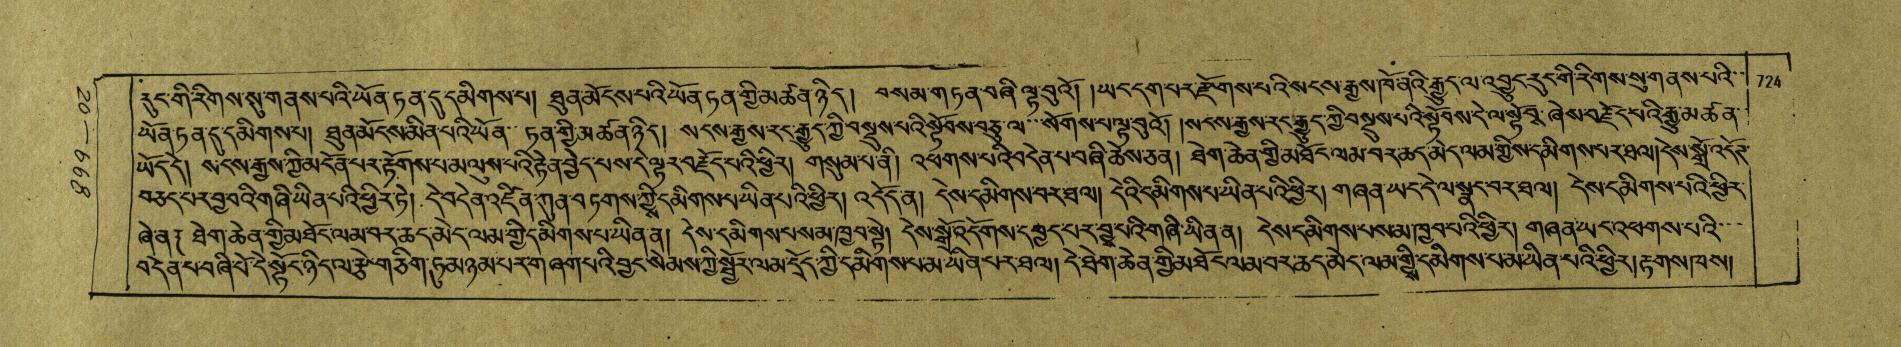རུང་གི་རིགས་སུ་གནས་པའི་ཡོན་ཏན་དུ་དམིགས་པ། ཐུན་མོངས་པའི་ཡོན་ཏན་གྱི་མཚན་ཉིད། བསམ་གཏན་བཞི་ལྟ་བུའོ། །ཡང་དག་པར་རྫོགས་པའི་སངས་རྒྱས་ཁོ་ནའི་རྒྱུད་ལ་འབྱུང་རུང་གི་རིགས་སུ་གནས་པའི་
ཡོན་ཏན་དུ་དམིགས་པ། ཐུན་མོངས་མིན་པའི་ཡོན་ཏན་གྱི་མཚན་ཉིད། སངས་རྒྱས་རང་རྒྱུད་ཀྱི་བསྡུས་པའི་སྟོབས་བཅུ་ལ་སོགས་པ་ལྟ་བུའོ། །སངས་རྒྱས་རང་རྒྱུད་ཀྱི་བསྡུས་པའི་སྟོབས་དེ་ལ་སྟོབས་ཞེས་བརྗོད་པའི་རྒྱུ་མཚན་
ཡོད་དེ། སངས་རྒྱས་ཀྱི་མངོན་པར་རྟོགས་པ་མ་ལུས་པའི་རྟེན་བྱེད་པས་དེ་ལྟར་བརྗོད་པའི་ཕྱིར། གསུམ་པ་ནི། འཕགས་པའི་བདེན་པ་བཞི་ཆེས་ཅན། ཐེག་ཆེན་གྱི་མཐོང་ལམ་བར་ཆད་མེད་ལམ་གྱིས་དམིགས་པར་ཐལ། དེས་སྒྲོ་འདོཌ་
བཅད་པར་བྱ་བའི་གཞི་ཡིན་པའི་ཕྱིར་ཏེ། དེ་བདེན་འཛིན་ཀུན་བཏགས་ཀྱིས་དམིགས་པ་ཡིན་པའི་ཕྱིར། འདོད་ན། དེས་དམིགས་བར་ཐལ། དེའི་དམིགས་པ་ཡིན་པའི་ཕྱིར། གཞན་ཡང་དེ་ལ་སྣང་བར་ཐལ། དེས་དམིགས་པའི་ཕྱིར་
ཞེ་ན༑ ཐེག་ཆེན་གྱི་མཐོང་ལམ་བར་ཆད་མེད་ལམ་གྱི་དམིགས་པ་ཡིན་ན། དེས་དམིགས་པས་མ་ཁྱབ་སྟེ། དེས་སྒྲོ་འདོགས་དབྱད་པར་བྱས་པའི་གཞི་ཡིན་ན། དེས་དམིགས་པས་མ་ཁྱབ་པའི་ཕྱིར། གཞན་ཡང་འཕགས་པའི་
བདེན་པ་བཞི་པོ་དེ་སྟོང་ཉིད་ལ་རྩེ་གཅིག་ཏུ་མཉམ་པར་གཞག་པའི་བྱང་སེམས་ཀྱི་སྦྱོར་ལམ་དྲོད་ཀྱི་དམིགས་པ་མ་ཡིན་པར་ཐལ། དེ་ཐེག་ཆེན་གྱི་མཐོང་ལམ་བར་ཆད་མེད་ལམ་གྱིས་དམིགས་པ་མ་ཡིན་པའི་ཕྱིར། རྟགས་ཁས།